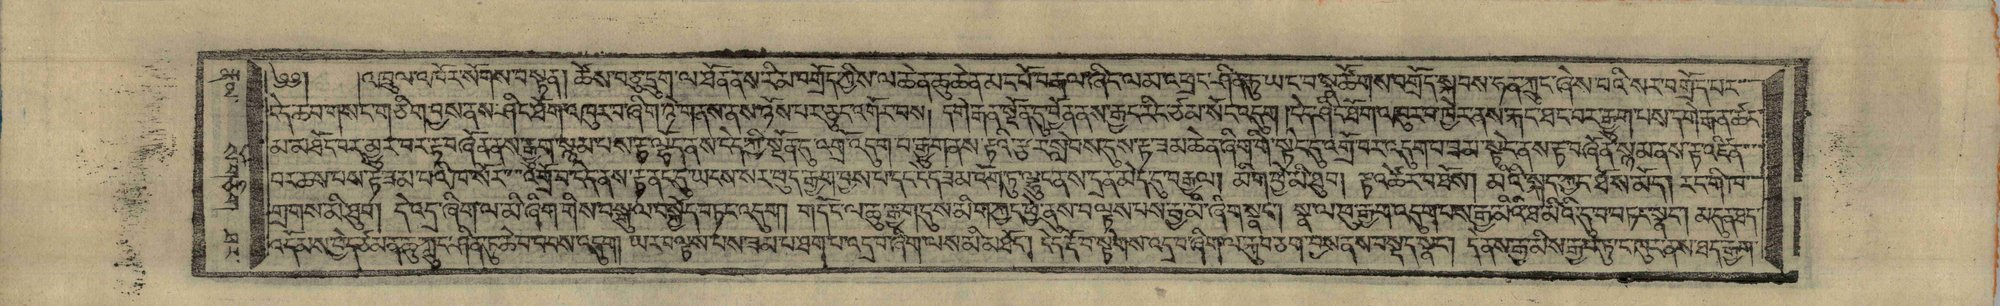༄༅། །འཁྲུལ་འཁོར་སོགས་བསྟན། ཚེས་བཅུ་དྲུག་ལ་ཐོན་ནས་རིམ་བགྲོད་ཀྱིས་ལ་ཆེན་ཆུ་ཆེན་མང་པོ་བརྒལ་ཞིང་ལམ་འཕྲང་ཤིན་ཏུ་ཡ་ང་བ་སྣ་ཚོགས་བགྲོད་སྐབས་ཧན་ཀྲུང་ཞེས་པའི་སར་བགྲོད་པར་
ངེད་ཚབ་གསང་གཅིག་བྱས་ནས་ཤིང་ཐོག་འཁུར་བ་ཞིག་ཉེ་གནས་ནས་ཉོས་པར་ཅུང་འགོར་བས། དགེ་རྒན་སྔོན་དུ་བྱོན་ནས་རྒྱང་རིང་ཙམ་སོང་འདུག །ངེད་ཤིང་ཐོག་འཁུར་བ་ཁྱེར་ནས་རྐང་ཐང་བར་རྒྱུག་པས་དགེ་རྒན་ཚང་
མ་མཐོང་བར་མྱུར་བར་རྟ་བཞོན་ནས་རྒྱུག་སྙམ་པས་རྟ་ལྷོད་ནས་ངེད་ཀྱི་སྔོན་དུ་འགྲོ་འདུག་པ་རྒྱུག་ནས་རྟའི་རྩར་སླེབས་དུས་རྟ་ཟམ་ཆེན་ཞིག་གི་སྟེང་དུ་འགྲོ་བར་འདུག་པ་ཟམ་སྟེང་ནས་རྟ་བཞོན་སྙམ་ནས་རྟ་འཛིན་
བར་ཆས་པས་རྟ་ཟམ་པའི་ཁ་སོར་འགྲོ་བ་ངེད་ནས་རྟ་ནང་དུ་ཡངས་སར་ཕུད་རྒྱག་བྱས་པ་དང་ངེད་ཟམ་འོག་ཏུ་ལྷུང་ནས་དྲན་མེད་དུ་བརྒྱལ། མིག་ཕྱེ་མི་ཐུབ། རྟ་འཚེར་བ་ཐོས། མིའི་སྐད་ཀྱང་ཐོས་མོད། རང་གི་ཁ་
གྲགས་མི་ཐུབ། དེ་འདྲ་ཞིག་ལ་མི་ཞིག་གིས་བསྒུལ་བསྐྱོད་བཏང་འདུག །གདོང་ལ་ཆུ་རྒྱག་དུས་མིག་ཀྱང་ཕྱེ་ནུས་བལྟས་པས་རྒྱ་མི་ཞིག་སྣང་། སྣ་ལ་ཕུ་རྒྱག་འདུག་པས་རྒྱ་མིའི་ཐ་མིའི་དུ་བ་བཏང་སྣང་། མདུན་ཐད་
འདོམས་བྱེད་ཙམ་ན་ཆུ་ཀླུང་ཤིན་ཏུ་ཆེ་བ་བབས་འདུག །ཡར་བལྟས་པས་ཟམ་པ་ཐག་པ་འདྲ་བ་ཞིག་ལས་མི་མཐོང་། ངེད་རྡོ་བ་སྟེགས་འདྲ་བ་ཞིག་ལ་རྐུབ་ཅག་བྱས་ནས་བསྡད་སྣང་། དེ་ནས་རྒྱ་མིས་རྒྱབ་ཏུ་ང་ཁུར་ནས་ཐད་རྒྱག་